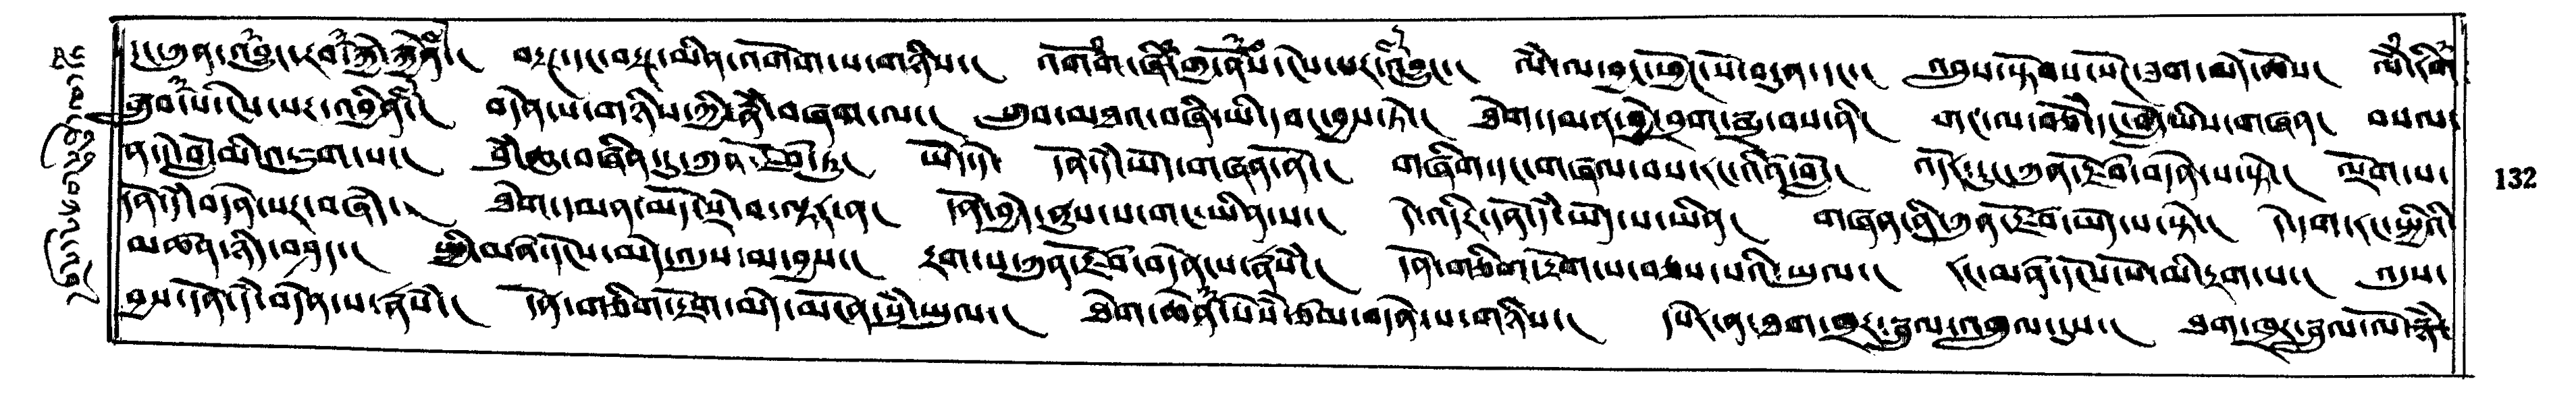དང་ཀུན་འབྱུང་རབ་སྐྱེ་རྐྱེན། །བརྟགས་དང་བརྟགས་མིན་འགོག་པ་གཉིས། །འགོག་ཞི་གྱ་ནོམ་ངེས་པར་འབྱུང་། །ལམ་ལ་བྱང་ཕྱོགས་སོ་བདུན་དང་། །འབྲས་བུ་སྟོབས་སོགས་ཟག་མེད་ཆོས། །ལམ་རིགས་
སྒྲུབ་པ་ངེས་པར་འབྱིན། །བདེན་པ་གཉིས་ཀྱི་རྣམ་གཞག་ལ། །གྲུབ་མཐའ་བཞི་ཡི་དབང་བྱས་ཏེ། །ཐེག་དམན་བྱེ་བྲག་སྨྲ་བས་ནི། །གང་ལ་བཅོམ་དང་བློ་ཡིས་གཞན། །བསལ་
ན་དེ་བློ་མི་འཇུག་པ། །བུམ་ཆུ་བཞིན་དུ་ཀུན་རྫོབ་ཏུ། །ཡོད་དེ་དོན་དམ་ཡོད་གཞན་ནོ། །གཞིག་དང་གཞལ་བས་རང་འཛིན་བློ། །འདོར་རུང་ཀུན་རྫོབ་བདེན་པ་སྟེ། །ལྡོག་པ་
དོན་དམ་བདེན་པར་བཞེད། །ཐེག་དམན་མདོ་སྡེ་བ་ལྟར་ན། །དོན་བྱེད་ནུས་པ་གང་ཡིན་པ། །དེ་འདིར་དོན་དམ་ཡོད་པ་ཡིན། །གཞན་ནི་ཀུན་རྫོབ་ཡོད་པ་སྟེ། །དེ་དག་རང་སྤྱིའི་
མཚན་ཉིད་བཤད། །སྤྱི་མཚན་དངོས་མེད་འདུས་མ་བྱས། །རྟག་པ་ཀུན་རྫོབ་བདེན་པ་རྣམས། །དོན་གཅིག་རྟོག་པ་བཅས་པའི་ཡུལ། །རང་མཚན་དངོས་པོ་མི་རྟག་པ། །འདུས་
བྱས་དོན་དམ་བདེན་པ་རྣམས། །དོན་གཅིག་རྟོག་མེད་མངོན་སུམ་ཡུལ། །ཐེག་ཆེན་སེམས་ཙམ་བདེན་པ་གཉིས། །དཔེར་ན་ཐག་ཁྲར་སྦྲུལ་འཁྲུལ་དུས། །ཐག་ཁྲར་སྦྲུལ་ལོ་